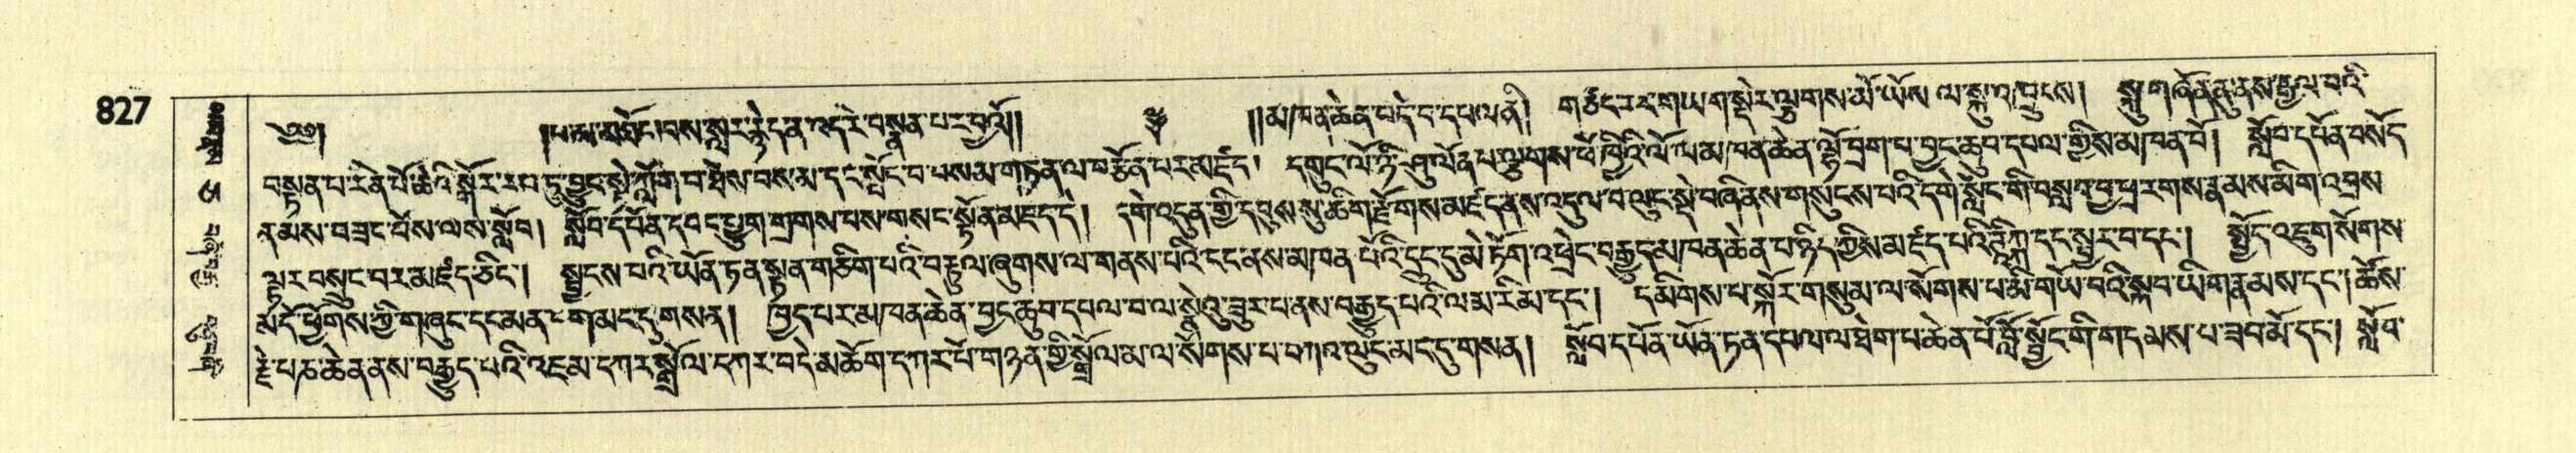༄༅། །པ་མ་མཐོང་བས་སླར་རྙེད་ན་འདིར་བསྣན་པར་བྱའོ། ༈ །།མཁན་ཆེན་བདེ་བ་དཔལ་ནི། གཙང་རང་གཡག་སྡེར་ལྕགས་མོ་ཡོས་ལ་སྐུ་འཁྲུངས། སྐུ་གཞོན་ནུ་ནས་རྒྱལ་བའི་
བསྟན་པ་རིན་པོ་ཆེའི་སྒོར་རབ་ཏུ་བྱུང་སྟེ་ཀློག་བ་ཐོས་བསམ་དང་སྤོང་བ་བསམ་གཏན་ལ་བརྩོན་པར་མཛད། དགུང་ལོ་ཉི་ཤུ་ལོན་པ་ལྕགས་ཕོ་ཁྱིའི་ལོ་ལ་མཁན་ཆེན་ལྷོ་བྲག་པ་བྱང་ཆུབ་དཔལ་གྱིས་མཁན་པོ། སློབ་དཔོན་བསོད་
ནམས་བཟང་པོས་ལས་སློབ། སློབ་དཔོན་དབང་ཕྱུག་གྲགས་པས་གསང་སྟོན་མཛད་དེ། དགེ་འདུན་གྱི་དབུས་སུ་ཚིག་རྫོགས་མཛད་ནས་འདུལ་བ་ལུང་སྡེ་བཞི་ནས་གསུངས་པའི་དགེ་སློང་གི་བསླབ་བྱ་ཕྲ་རགས་རྣམས་མིག་འབྲས་
ལྟར་བསྲུང་བར་མཛད་ཅིང་། སྦྱངས་བའི་ཡོན་ཏན་སྟན་གཅིག་པའི་བརྟུལ་ཞུགས་ལ་གནས་པའི་ངང་ནས་མཁན་པོའི་དྲུང་དུ་མེ་ཏོག་འཕྲེང་བརྒྱུད་མཁན་ཆེན་པ་ཉིད་ཀྱིས་མཛད་པའི་ཊཱིཀྐ་དང་སྦྱར་བ་དང་། སྤྱོད་འཇུག་སོགས་
མདོ་ཕྱོགས་ཀྱི་གཞུང་དང་མན་ངག་མང་དུ་གསན། ཁྱད་པར་མཁན་ཆེན་བྱང་ཆུབ་དཔལ་བ་ལ་སྣེའུ་ཟུར་པ་ནས་བརྒྱུད་པའི་ལམ་རིམ་དང་། དམིགས་པ་སྐོར་གསུམ་ལ་སོགས་པ་མི་གཡོ་བའི་སྐབ་ཡིག་རྣམས་དང་། ཆོས་
རྗེ་པཎ་ཆེན་ནས་བརྒྱུད་པའི་འཇམ་དཀར་སྒྲོལ་དཀར་བདེ་མཆོག་དཀར་པོ་གཉན་གྱི་སྒྲོལ་མ་ལ་སོགས་པ་བཀའ་ལུང་མང་དུ་གསན། སློབ་དཔོན་ཡོན་ཏན་དཔལ་ལ་ཐེག་པ་ཆེན་པོ་བློ་སྦྱོང་གི་གདམས་པ་ཟབ་མོ་དང་། སློབ་